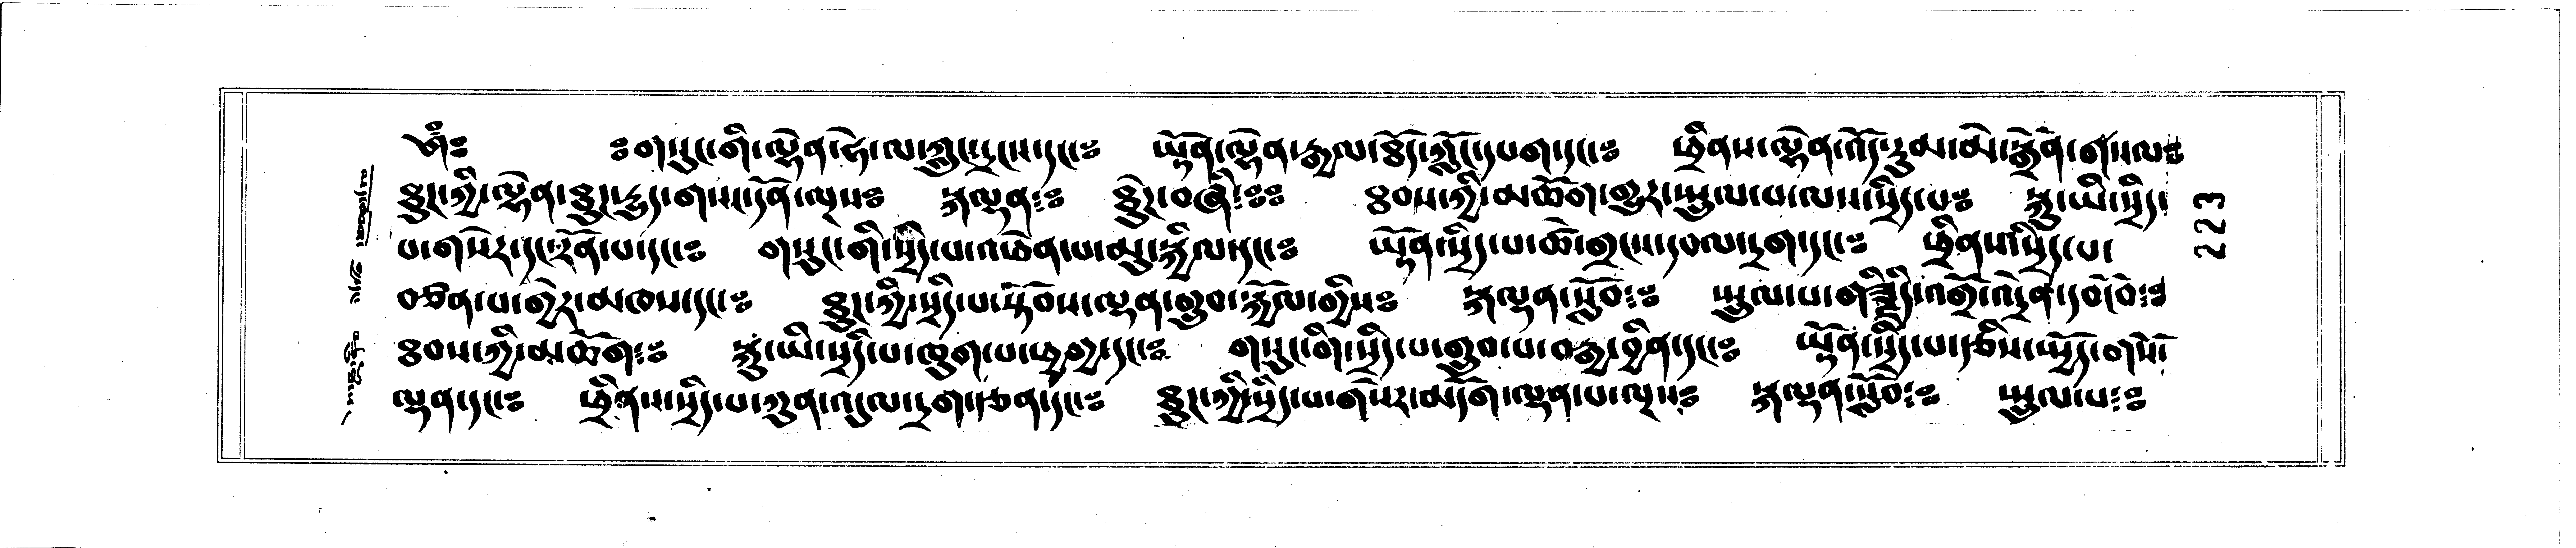གསུང་གི་ལྷ་ཆེན་ཧེ་ལ་ཀླུང་དྲངས་དངཿ ཡོན་ཏན་གྱི་ལྷ་ཆེན་རྒྱལ་ཐོད་ཀློང་དཔག་དངཿ ཕྲིན་ལས་ལྷ་ཆེན་འོད་རུམ་རྩེ་ཤག་དངཿ 
ཐུགས་ཀྱི་ལྷ་ཆེན་ཐུགས་རྒྱུད་གསང་དོན་ལྔསཿ སྐལ་ལྡན་སློབ་མ་རྣམས་ལ་དབང་བསྐུར་བསཿ ཐུགས་རྗེ་བཞི་བསྐྱེད་འགྲོ་འདྲེན་དབང་ཐོབ་ཤོགཿ ཐབས་ཀྱི་མཆོག་གྱུར་སྤྲུལ་པ་ལས་སྲིད་པཿ སྐུ་ཡི་སྲིད་
པ་གསེར་དང་རོན་པ་དངཿ གསུང་གི་སྲིད་པ་འཕེན་པ་མུ་སྐྱིལ་དངཿ ཡོན་ཏན་སྲིད་པ་ཚིག་གྲངས་དབང་གྲགས་དངཿ ཕྲིན་ལས་སྲིད་པ་
བཙན་པ་གྱེར་མཁས་དངཿ ཐུགས་ཀྱི་སྲིད་པ་སྟོབས་ལྡན་གྲུབ་སྐྱོལ་གྱིསཿ སྐལ་ལྡན་སློབ་མ་རྣམས་ལ་དབང་བསྐུར་བསཿ སྤྲུལ་པ་གཟི་བརྗིད་འགྲོ་འདྲེན་དབང་ཐོབ་ཤོགཿ
 ཐབས་ཀྱི་མཆོག་གྱུར་སྤྲུལ་པ་ལས་སྲིད་པཿ སྐུ་ཡི་སྲིད་པ་ཁུག་པ་ཕྱག་རྒྱ་དངཿ གསུང་གི་སྲིད་པ་གྲུབ་པ་བརྒྱ་བྱིན་དངཿ ཡོན་ཏན་གྱི་སྲིད་པ་རྩིས་སྤྱོད་གསོ་
ལྡན་དངཿ ཕྲིན་ལས་སྲིད་པ་ཀུན་འདུལ་དྲག་བཙན་དངཿ ཐུགས་ཀྱི་སྲིད་པ་ས་གསེར་མདངས་ལྡན་ལྔསཿ སྐལ་ལྡན་སློབ་མ་རྣམས་ལ་དབང་བསྐུར་བསཿ སྤྲུལ་པ་གཟི་བརྗིད་འགྲོ་འདྲེན་དབང་ཐོབ་ཤོགཿ